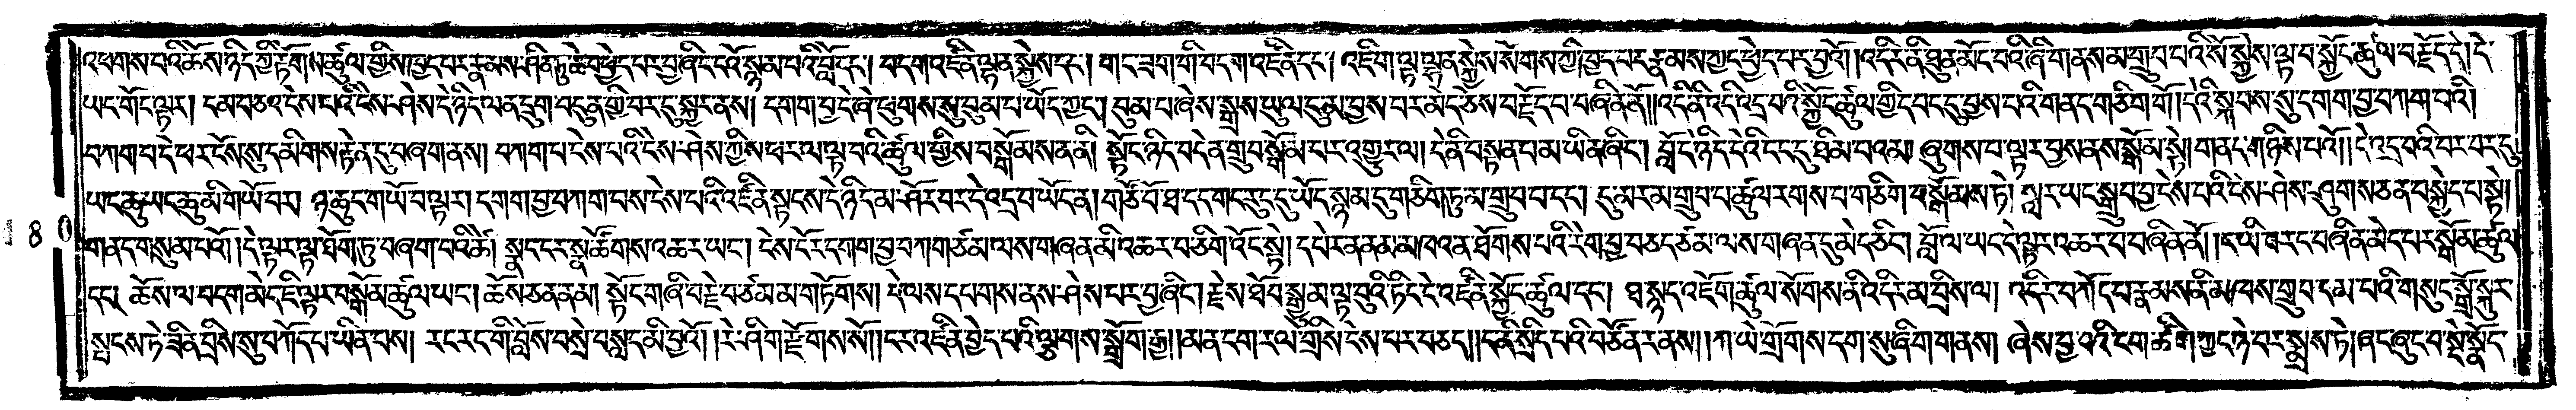འཕགས་བའི་ཆོས་ཉིད་ཀྱི་རྟོགས་ཚུལ་གྱིས་ཁྱད་པར་རྣམས་ཤིན་ཏུ་ཆེ་བ་ཕྱེད་པར་བྱ་ཞིང་བའོ་སྙམ་པའི་བློ་དང་། བདག་འཛིན་ལྷན་སྐྱེས་དང་། གང་ཟག་གི་བདག་འཛིན་དང་། འཇིག་ལྟ་ལྷན་སྐྱེས་སོགས་ཀྱི་ཁྱད་པར་རྣམས་ཀྱང་ཕྱེད་པར་བྱའོ། །འདིར་ནི་ཐུན་མོང་བའི་ཞིག་ནས་མ་གྲུབ་པའི་སོ་སྐྱེས་ལྟ་བ་སྐྱོང་ཚུལ་བརྗོད་དེ། དེ་
ཡང་གོང་ལྟར། དམ་བཅའ་ངེས་པའི་ངེས་ཤེས་དེ་ཉིད་ལན་དྲུག་བདུན་གྱི་བར་དུ་སྐྱར་ནས། དགག་བྱ་དེ་ཞེ་ཕུགས་སུ་བུམ་པ་ཡོད་ཀྱང་། བུམ་པ་ཞེས་སྒྲས་ཡུལ་དུ་མ་བྱས་བར་མེད་ཅེས་བརྗོད་པ་བཞིན་ནོ། །འདི་ནི་འདི་འདྲ་བའི་སྐྱོང་ཚུལ་གྱི་དབང་དུ་བྱས་པའི་གནད་གཅིག་གོ། དེའི་སྐབས་སུ་དགག་བྱ་བཀག་བའི།
བཀག་བ་དེ་ཕར་ངོས་སུ་དམིགས་རྟེན་དུ་བཞག་ནས། བཀག་པ་ངེས་པའི་ངེས་ཤེས་ཀྱིས་ཕར་ལ་ལྟ་བའི་ཚུལ་གྱིས་བསྒོམས་ན་ནི། སྟོང་ཉིད་བདེན་གྲུབ་སྒོམ་པར་འགྱུར་ལ། དེ་ནི་བསྟན་བ་མ་ཡིན་ཞིང་། བློ་དེ་ཉིད་དེའི་ངང་དུ་ཐིམ་བའམ། ཞུགས་པ་ལྟར་བྱས་ནས་སྒོམ་སྟེ། གནད་གཉིས་པའོ། །དེ་འདྲ་བའི་བར་བར་དུ་
ཡང་ཆུ་ཡང་ཆུ་མི་གཡོ་བར། ཉ་ཆུང་གཡོ་བ་ལྟར། དགག་བྱ་བཀག་བས་ངེས་པའི་འཛིན་སྟངས་དེ་ཉིད་མ་ཤོར་བར་དེ་འདྲ་བ་ཡོད་ན། གཙོ་བོ་ཐ་དད་གང་རུང་དུ་ཡོད་སྙམ་དུ་གཅིག་ཏུ་མ་གྲུབ་པ་དང་། དུ་མར་མ་གྲུབ་པ་ཚུལ་རགས་པ་གཅིག་བསྒོམས་ཏེ། སླར་ཡང་སྒྲུབ་བྱ་དེས་པའི་ངེས་ཤེས་ཤུགས་ཅན་བསྐྱེད་པ་སྟེ།
གནད་གསུམ་པའོ། །དེ་ལྟར་ལྟ་ཐོག་ཏུ་བཞག་པའི་ཚེ། སྣང་ངར་སྣ་ཚོགས་འཆར་ཡང་། ངེས་ངོར་དགག་བྱ་བཀག་ཙམ་ལས་གཞན་མི་འཆར་བ་གཅིག་འོང་སྟེ། དཔེར་ན་ནམ་མཁའ་ན་ཐོགས་པའི་རེག་བྱ་བཅད་ཙམ་ལས་གཞན་དུ་མེད་ཅིང་། བློ་ལ་ཡང་དེ་ལྟར་འཆར་བ་བཞིན་ནོ། །ང་ཡི་བ་རང་བཞིན་མེད་པར་སྒོམ་ཚུལ་
དང༑ ཆོས་ལ་བདག་མེད་ཇི་ལྟར་བསྒོམ་ཚུལ་ཡང་། ཆོས་ཅན་ནམ། སྟོང་གཞི་བརྗེ་བ་ཙམ་མ་གཏོགས། དེ་ལས་དཔགས་ནས་ཤེས་པར་བྱ་ཞིང་། རྗེས་ཐོབ་སྒྱུ་མ་ལྟ་བུའི་ཏིང་ངེ་འཛིན་སྐྱོང་ཚུལ་དང་། ཐ་སྙད་འཇོག་ཚུལ་སོགས་ནི་འདིར་མ་བྲིས་ལ། འདིར་བཀོད་པ་རྣམས་ནི་མཁས་གྲུབ་དམ་པའི་གསུང་སྒྲོ་སྐུར་
སྤངས་ཏེ་ཟིན་བྲིས་སུ་བཀོད་པ་ཡིན་བས། རང་རང་གི་བློས་བསྲེ་བསླད་མི་བྱའོ། །རེ་ཤིག་རྫོགས་སོ། །ངར་འཛིན་བྱེད་པའི་ལྕགས་སྒྲོག་རྒྱ། །མན་ངག་རལ་གྲིས་ངེས་པར་བཅད། །ད་ནི་སྲིད་བའི་བཙོན་ར་ནས། །ཀ་ཡེ་གྲོགས་དག་སུ་ཞིག་གནས། ཞེས་བྱ་བའི་ངག་ཚིག་ཀྱང་ཉེ་བར་སྨྲས་ཏེ། ཞང་ཞུང་བ་སྡེ་སྣོད་